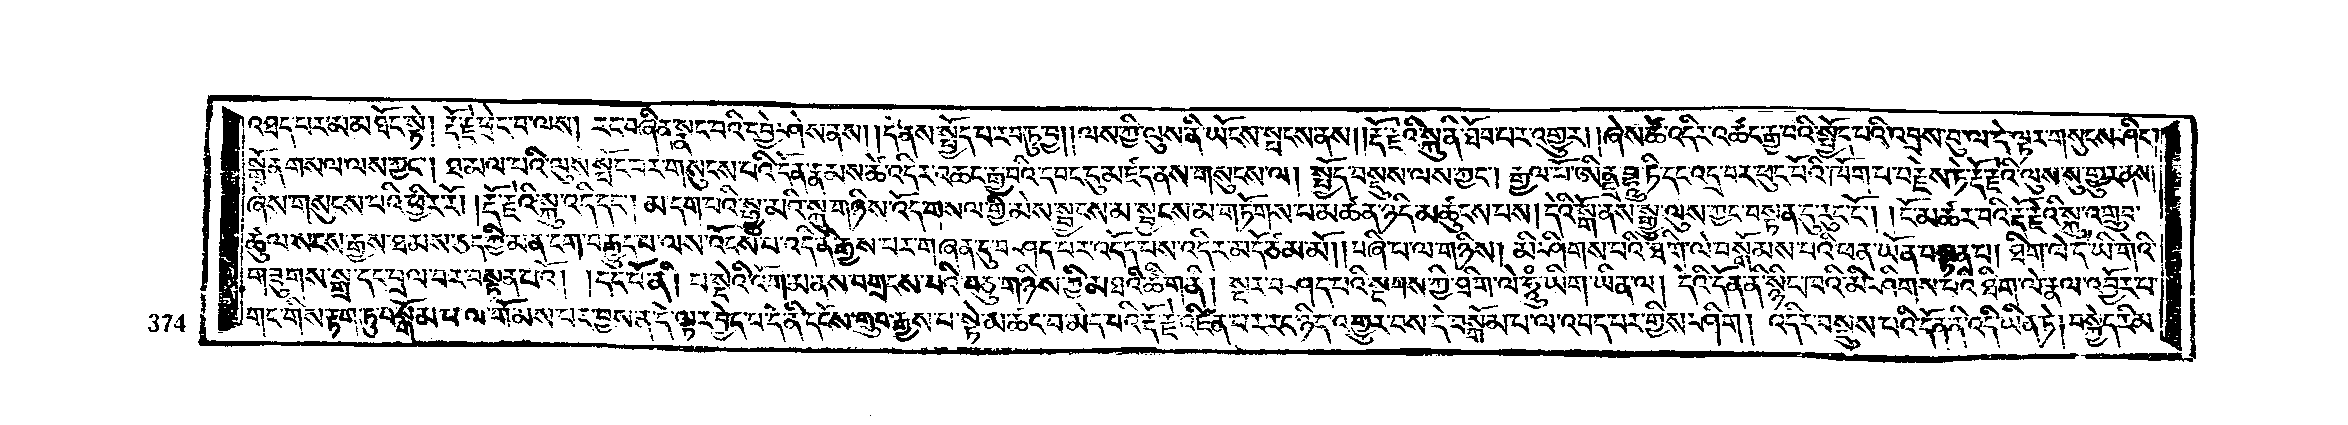འཐད་པར་མ་མཐོང་སྟེ། རྡོ་རྗེ་ཕྲེང་བ་ལས། རང་བཞིན་སྣང་བའི་དབྱེ་ཤེས་ནས། །དེ་ནས་སྤྱོད་པ་རབ་ཏུ་བྱ། །ལས་ཀྱི་ལུས་ནི་ཡོངས་སྤངས་ནས། །རྡོ་རྗེའི་སྐུ་ནི་ཐོབ་པར་འགྱུར། །ཞེས་ཚེ་འདིར་འཚང་རྒྱ་བའི་སྤྱོད་པའི་འབྲས་བུ་ལ་དེ་ལྟར་གསུངས་ཤིང་།
སྒྲོན་གསལ་ལས་ཀྱང་། ཐ་མལ་པའི་ལུས་སྤོང་བར་གསུངས་པའི་དོན་རྣམས་ཚེ་འདིར་འཆང་རྒྱ་བའི་དབང་དུ་མཛད་ནས་གསུངས་ལ། སྤྱོད་བསྡུས་ལས་ཀྱང་། རྒྱལ་པོ་ཨིནྡྲ་བྷཱུ་ཏི་དང་འདྲ་བར་ཕུང་པོའི་ཁོག་པ་བརྗེས་ཏེ་རྡོ་རྗེའི་ལུས་སུ་གྱུར་ནས་
ཞེས་གསུངས་པའི་ཕྱིར་རོ། །རྡོ་རྗེའི་སྐུ་འདི་དང་། མ་དག་པའི་སྒྱུ་མའི་སྐུ་གཉིས་འོད་གསལ་གྱི་མེས་སྦྱངས་མ་སྦྱངས་མ་གཏོགས་པ་མཚན་ཉིད་མཚུངས་པས། དེའི་སྒོ་ནས་སྒྱུ་ལུས་ཀྱང་བསྟན་དུ་རུང་ངོ། །ངོ་མཚར་བའི་རྡོ་རྗེའི་སྐུ་འགྲུབ་
ཚུལ་སངས་རྒྱས་ཐམས་ཅད་ཀྱི་མན་ངག་བརྒྱུད་པ་ལས་འོངས་པ་འདི་ནི་རྒྱས་པར་གཞན་དུ་བཤད་པར་འདོད་པས་འདིར་མདོ་ཙམ་མོ། །བཞི་པ་ལ་གཉིས། མི་ཤིགས་པའི་ཐིག་ལེ་བསྒོམས་པའི་ཕན་ཡོན་བསྟན་པ། ཐིག་ལེ་དེ་ཡི་གེའི་
གཟུགས་སྒྲ་དང་བྲལ་བར་བསྟན་པའོ། །དང་པོ་ནི། པ་སྡེའི་འོག་མ་ནས་བགྲངས་པའི་བཅུ་གཉིས་ཀྱི་མཐའི་ཚིག་ནི། སྔར་བཤད་པའི་སྔགས་ཀྱི་ཐིག་ལེ་ཧཱུཾ་ཡིག་ཡིན་ལ། དེའི་དོན་ནི་སྙིང་ཁའི་མི་ཤིགས་པའི་ཐིག་ལེ་རྣལ་འབྱོར་པ་
གང་གིས་རྟག་ཏུ་བསྒོམ་པ་ལ་གོམས་པར་བྱས་ན་དེ་ལྟར་བྱེད་པ་དེ་ནི་དངོས་གྲུབ་རྒྱས་པ་སྟེ་མ་ཚང་བ་མེད་པའི་རྡོ་རྗེ་འཛིན་པར་རང་ཉིད་འགྱུར་བས་དེ་བསྒོམ་པ་ལ་འབད་པར་གྱིས་ཤིག །འདིར་བསྡུས་པའི་དོན་ནི་འདི་ཡིན་ཏེ། བསྐྱེད་རིམ་